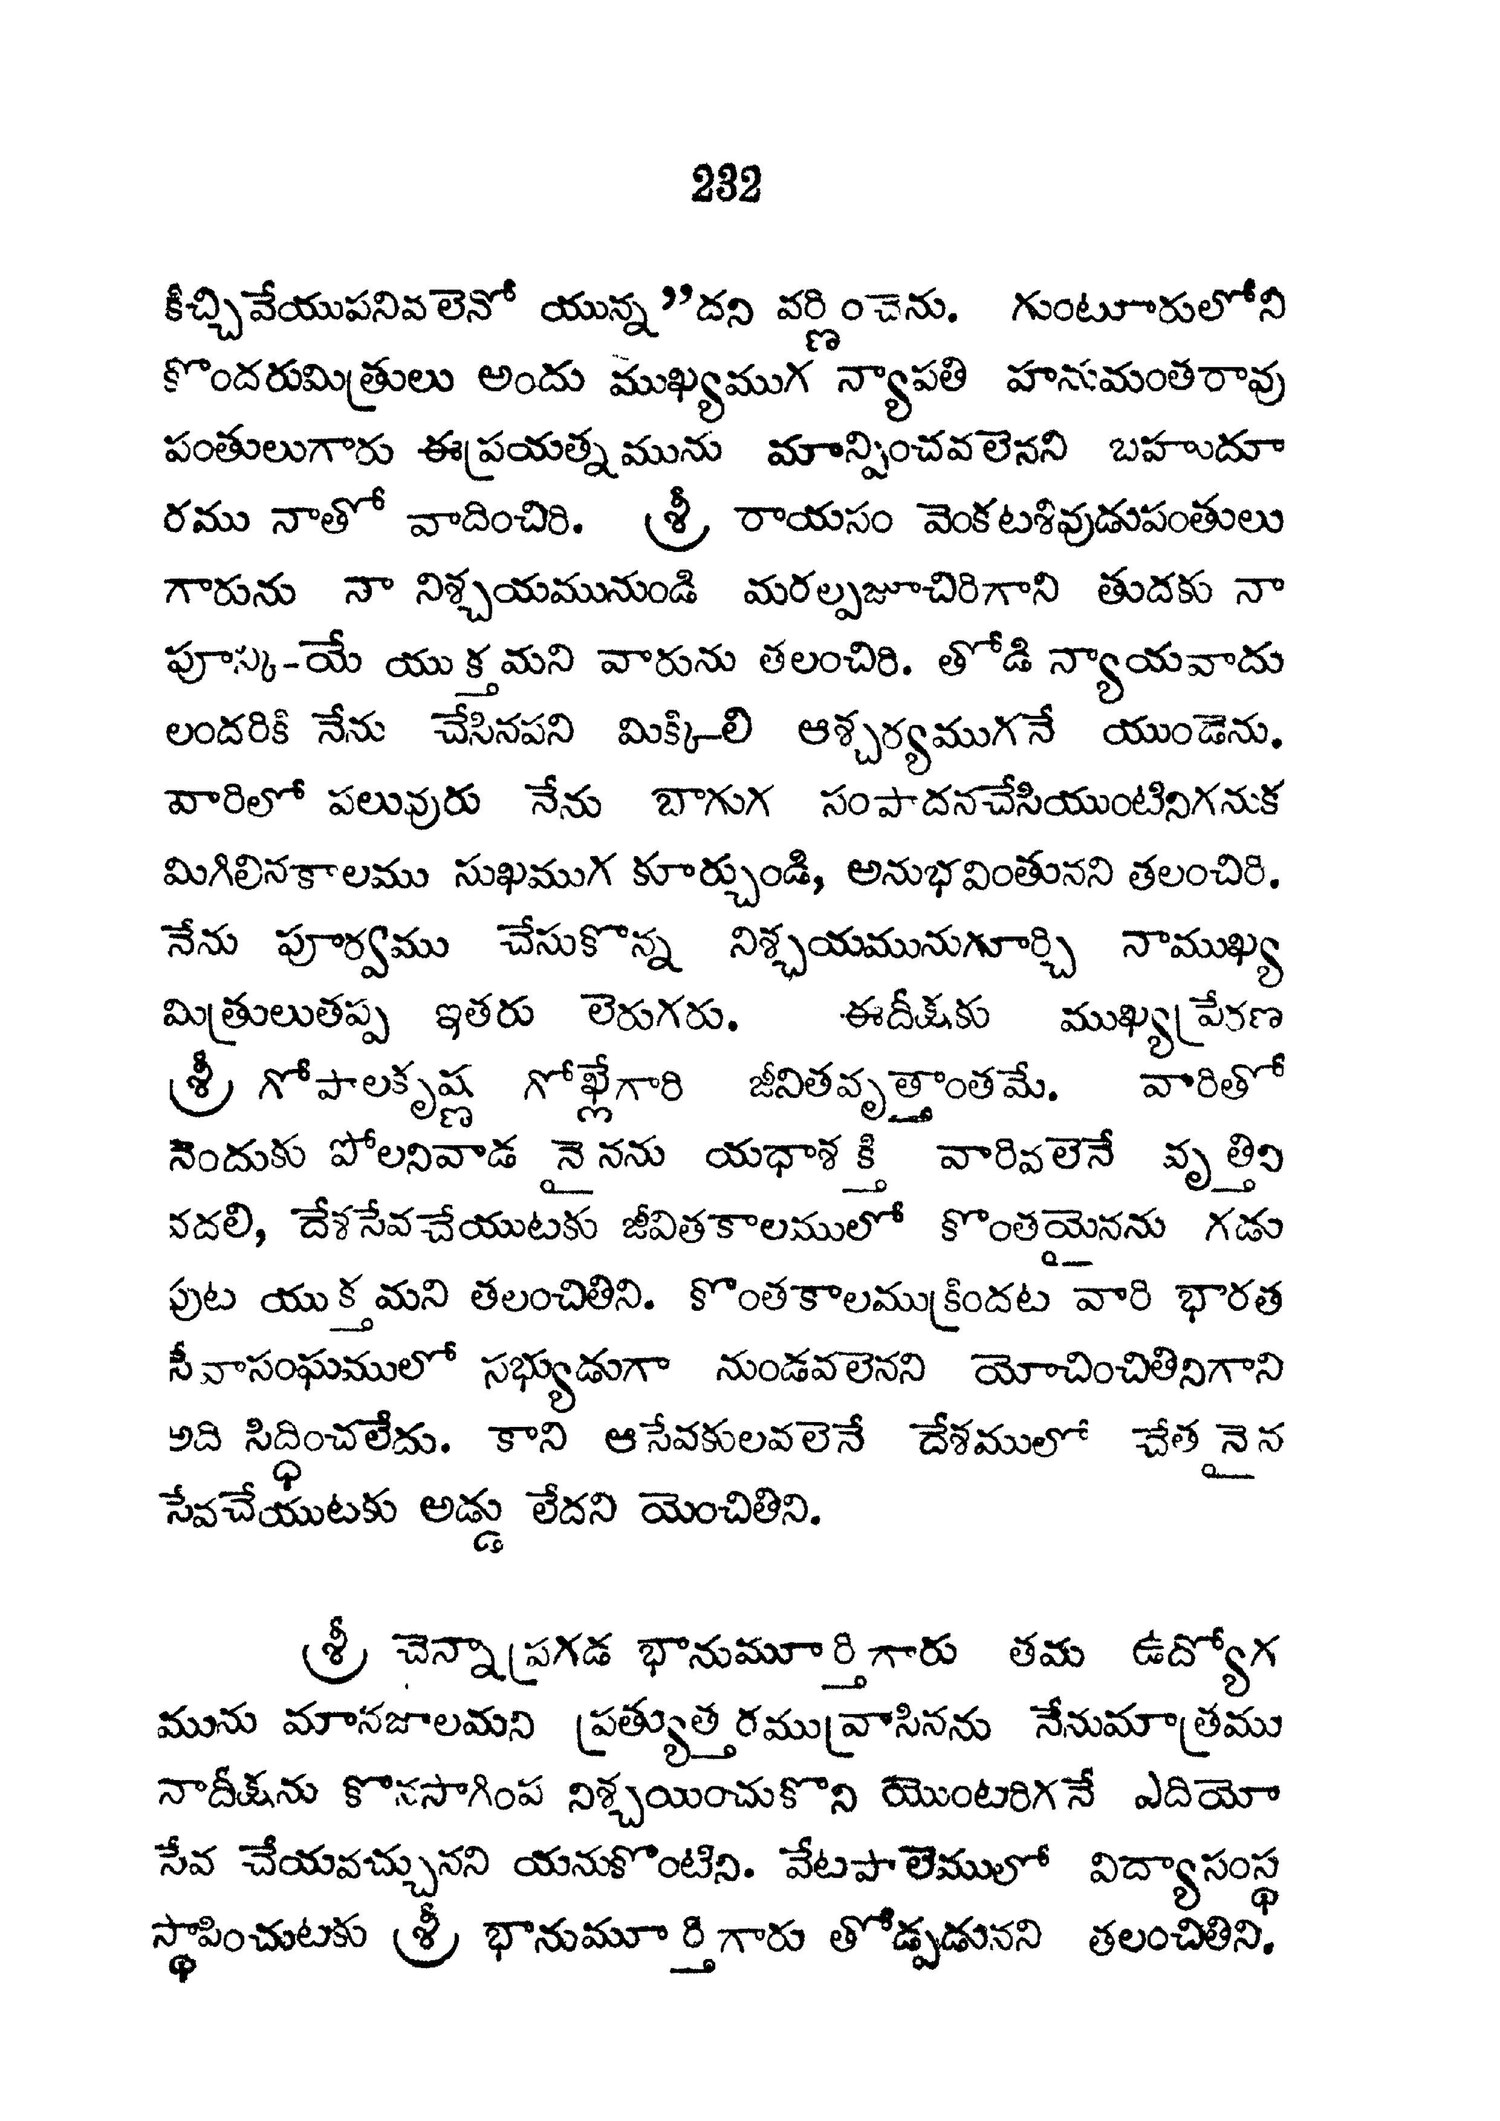కిచ్చివేయుపనివలెనో యున్న"దని వర్ణించెను. గుంటూరులోని కొందరుమిత్రులు అందు ముఖ్యముగ న్యాపతి హనుమంతరావు పంతులుగారు ఈప్రయత్నమును మాన్పించవలెనని బహుదూరము నాతో వాదించిరి. శ్రీ రాయసం వెంకటశివుడుపంతులుగారును నా నిశ్చయమునుండి మరల్పజూచిరిగాని తుదకు నా పూన్కియే యుక్తమని వారును తలంచిరి. తోడి న్యాయవాదులందరికి నేను చేసినపని మిక్కిలి ఆశ్చర్యముగనే యుండెను. వారిలో పలువురు నేను బాగుగ సంపాదనచేసియుంటినిగనుక మిగిలినకాలము సుఖముగ కూర్చుండి, అనుభవింతునని తలంచిరి. నేను పూర్వము చేసుకొన్న నిశ్చయమునుగూర్చి నాముఖ్యమిత్రులుతప్ప ఇతరు లెరుగరు. ఈదీక్షకు ముఖ్యప్రేరణ శ్రీ గోపాలకృష్ణ గోఖ్లేగారి జీవితవృత్తాంతమే. వారితో నెందుకు పోలనివాడ నైనను యధాశక్తి వారివలెనే వృత్తిని వదలి, దేశసేవచేయుటకు జీవితకాలములో కొంతయైనను గడుపుట యుక్తమని తలంచితిని. కొంతకాలముక్రిందట వారి భారతసేవాసంఘములో సభ్యుడుగా నుండవలెనని యోచించితినిగాని అది సిద్ధించలేదు. కాని ఆసేవకులవలెనే దేశములో చేతనైన సేవచేయుటకు అడ్డు లేదని యెంచితిని.

శ్రీ చెన్నాప్రగడ భానుమూర్తిగారు తమ ఉద్యోగమును మానజాలమని ప్రత్యుత్తరమువ్రాసినను నేనుమాత్రము నాదీక్షను కొనసాగింప నిశ్చయించుకొని యొంటరిగనే ఎదియోసేవ చేయవచ్చునని యనుకొంటిని. వేటపాలెములో విద్యాసంస్థస్థాపించుటకు శ్రీ భానుమూర్తిగారు తోడ్పడునని తలంచితిని.